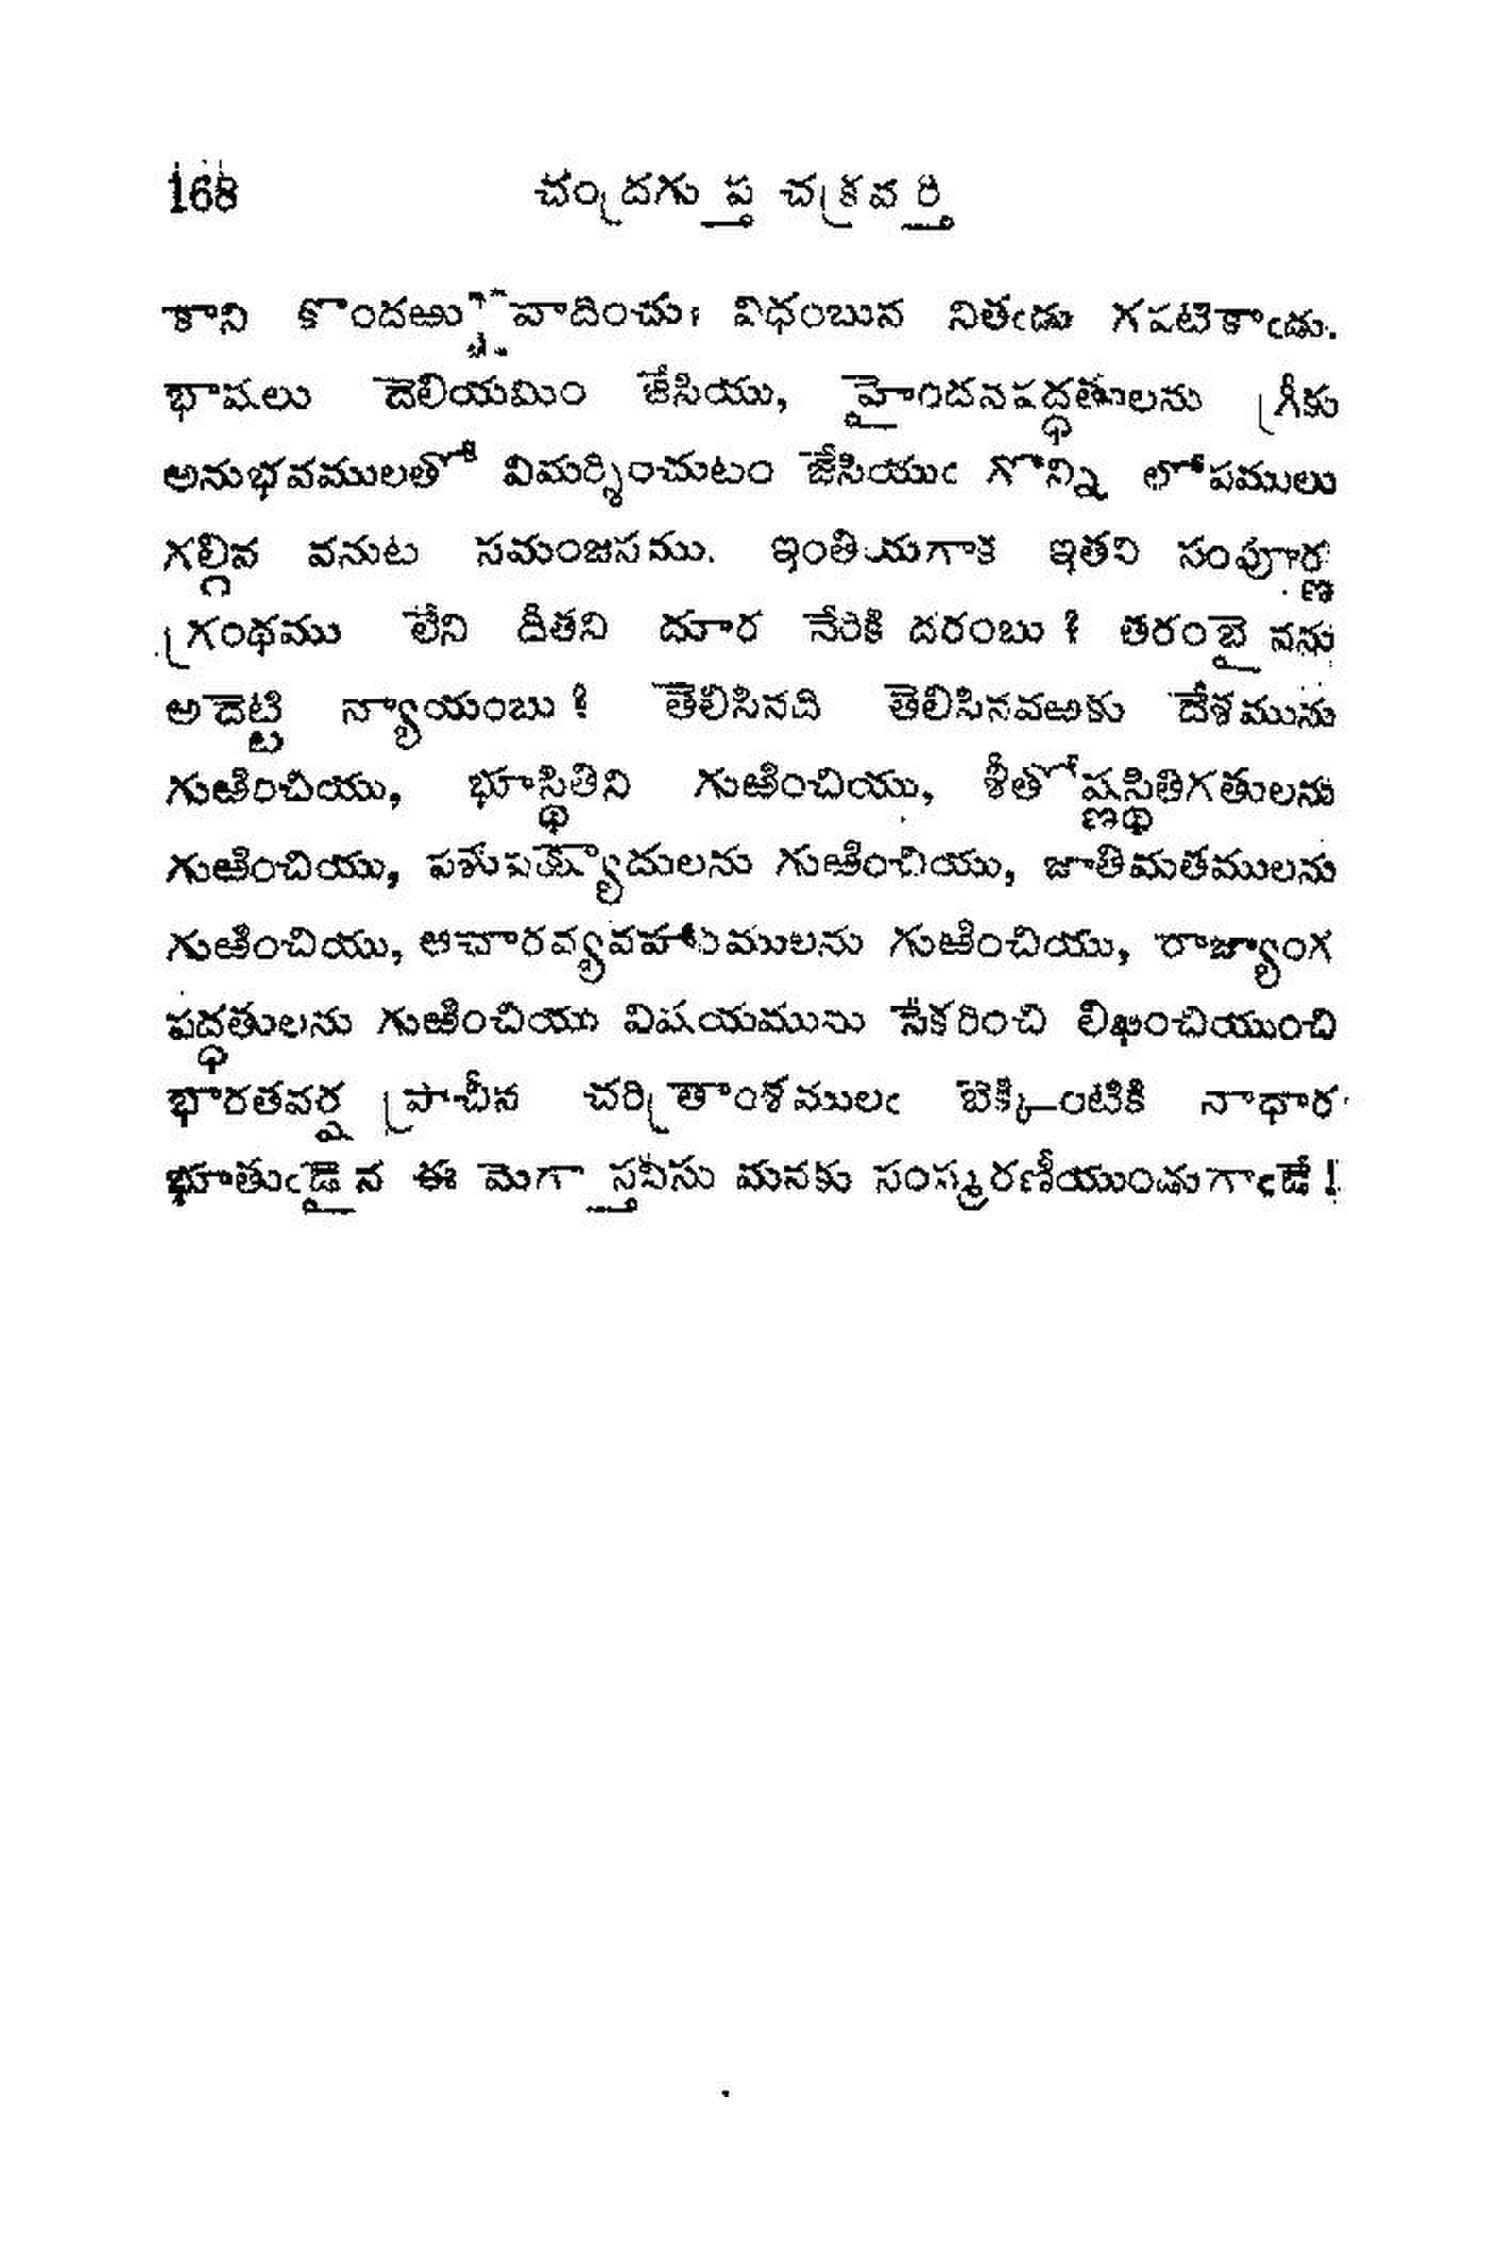కాని కొందఱు వాదించు, విధంబున నితఁడు గపటికాఁడు. భాషలు దెలియమిం జేసియు, హైందవపద్ధతులను గ్రీకు అనుభవములతో విమర్శించుటం జేసియుఁ గొన్ని లోపములు గల్గిన వనుట సమంజసము. ఇంతియగాక ఇతని సంపూర్ణగ్రంథము లేని దీతని దూర నేరికి దరంబు? తరంబైనను అదెట్టి న్యాయంబు? తెలిసినది తెలిసినవఱకు దేశమును గుఱించియు, భూస్థితిని గుఱించియు, శీతోష్ణస్థితిగతులను గుఱించియు, పశుపక్ష్యాదులను గుఱించియు, జాతిమతములను గుఱించియు, ఆచారవ్యవహారములను గుఱించియు, రాజ్యాంగ పద్దతులను గుఱించియు విషయమును సేకరించి లిఖంఛియుంచి భారతవర్ష ప్రాచీన చరిత్రాంశములఁ బెక్కింటికి నాధారభూతుఁడైన ఈ మెగాస్తనీసు మనకు సంస్మరణీయుండు గాఁడే!